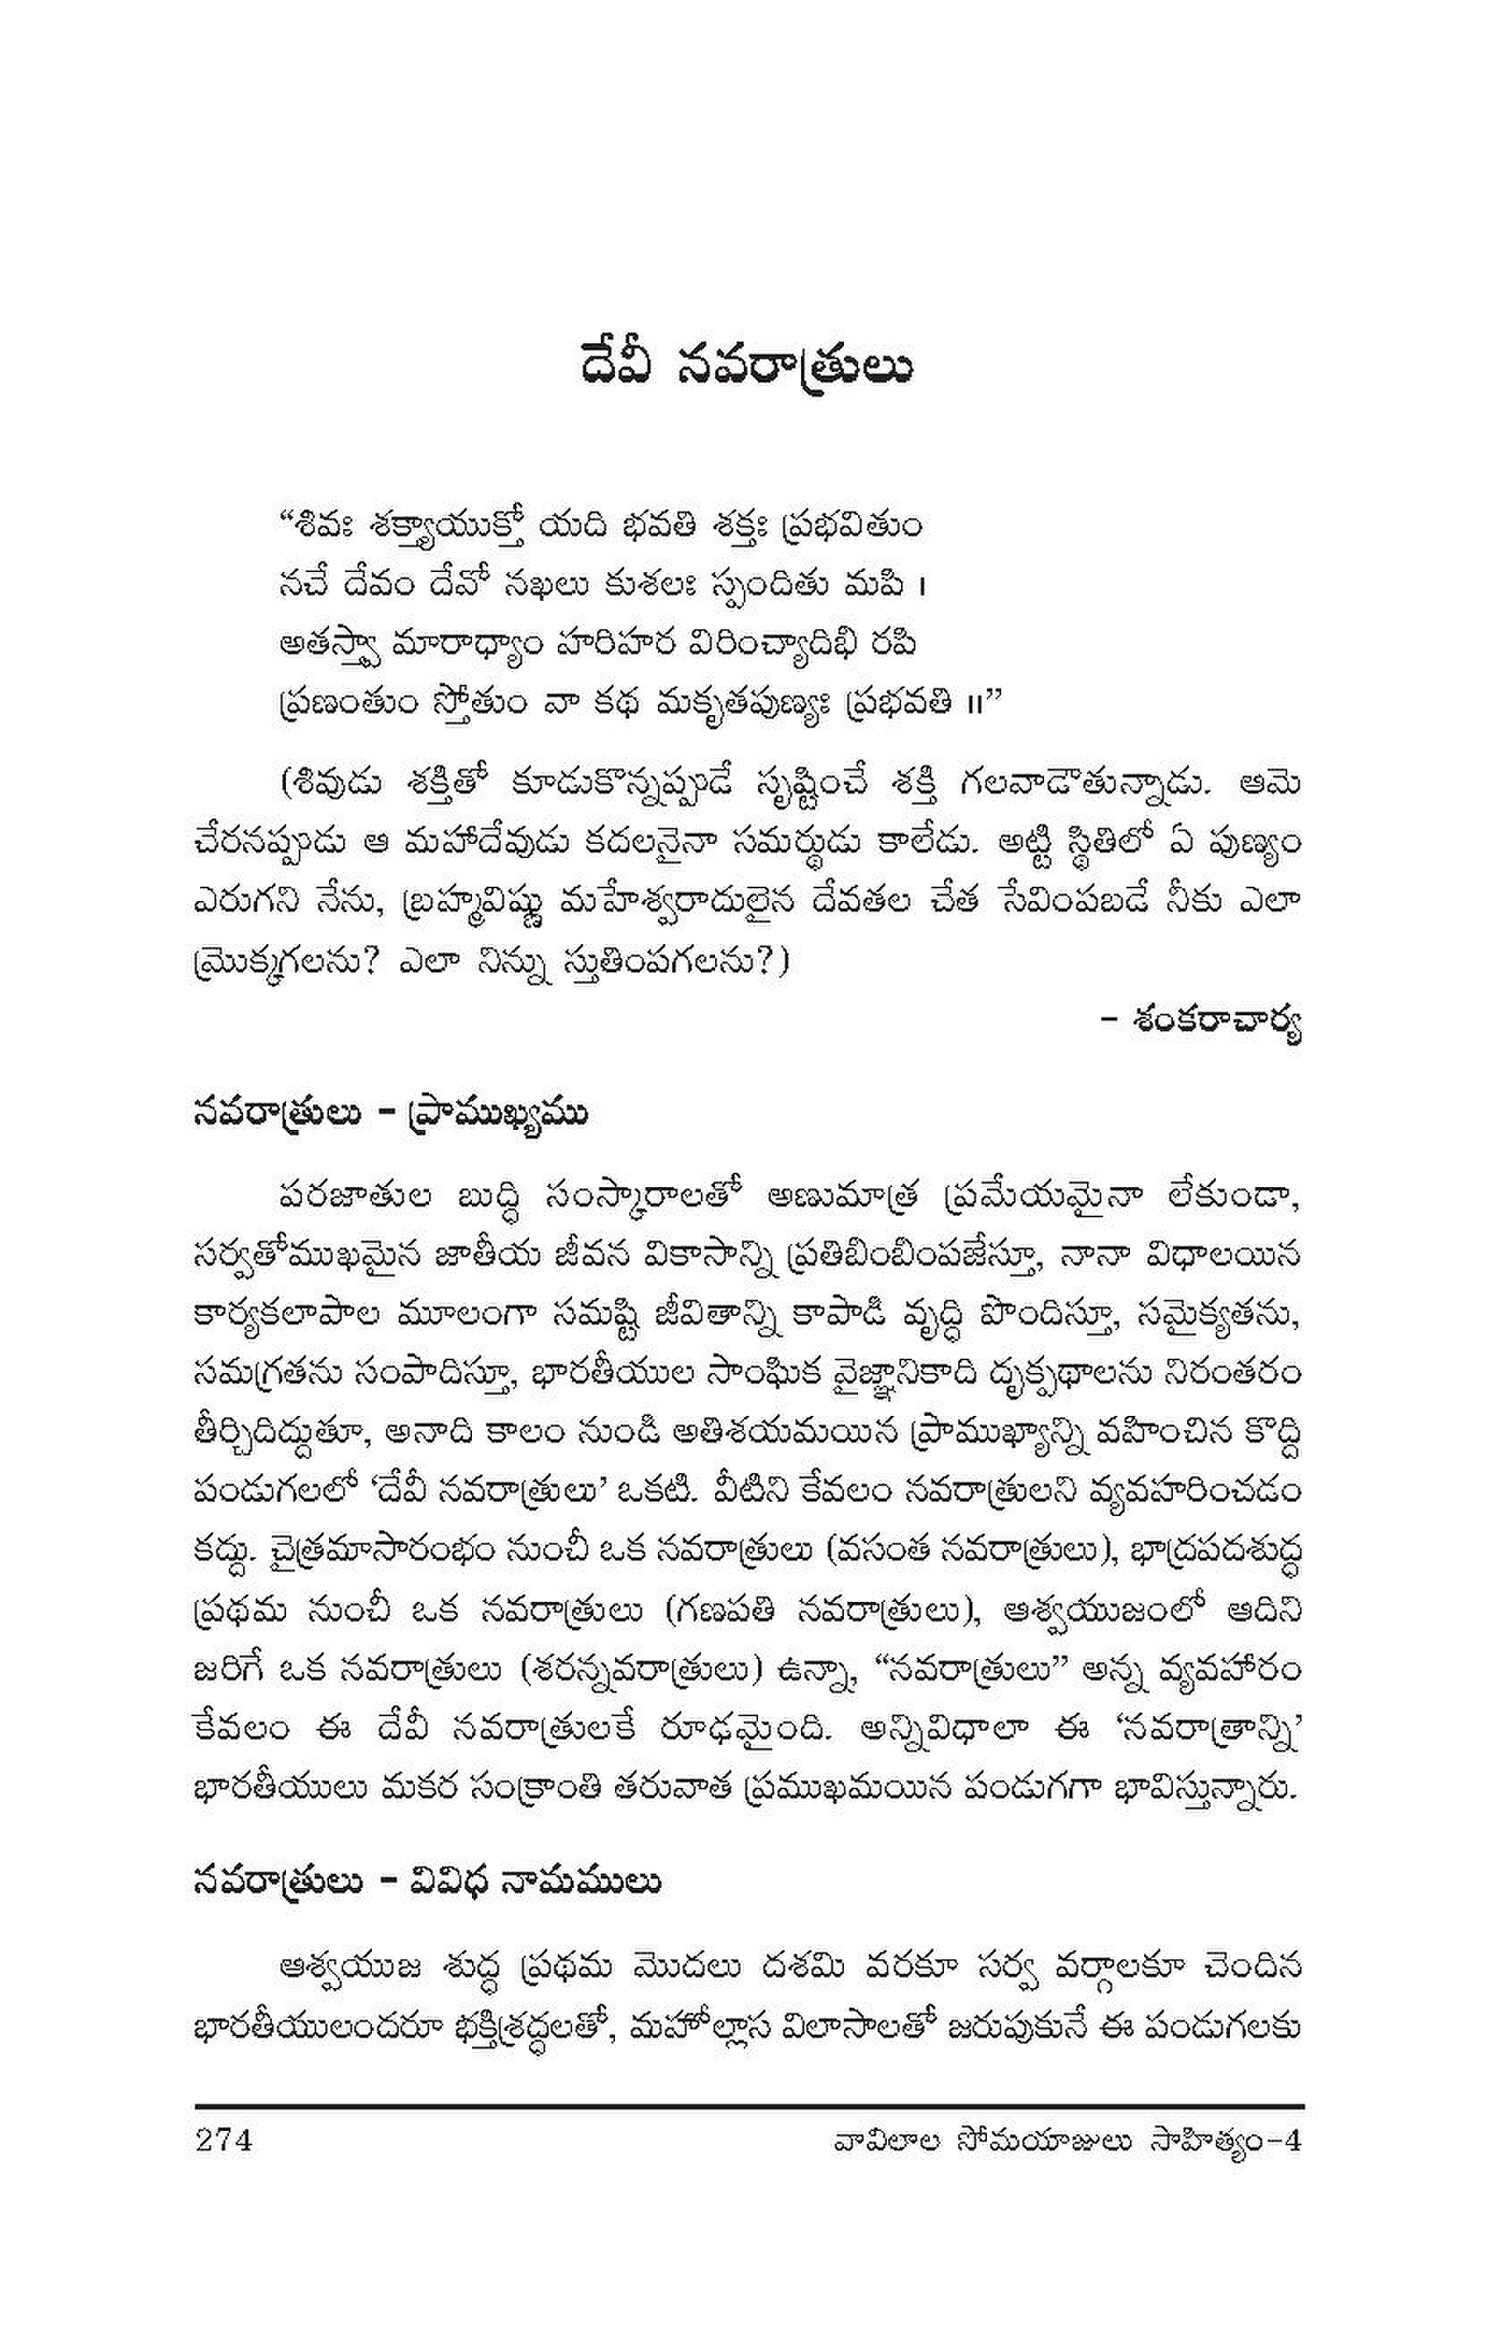దేవీ నవరాత్రులు

"శివః శక్త్యాయుక్తో యది భవతి శక్తః ప్రభవితుం
నచే దేవం దేవో నఖలు కుశలః స్పందితు మపి ।
అతస్త్వా మారాధ్యాం హరిహర విరించ్యాదిభి రషి
ప్రణంతుం స్తోతుం వా కథ మకృతపుణ్యః ప్రభవతి || "

(శివుడు శక్తితో కూడుకొన్నప్పుడే సృష్టించే శక్తి గలవాడౌతున్నాడు. ఆమె
చేరనప్పుడు ఆ మహాదేవుడు కదలనైనా సమర్థుడు కాలేడు. అట్టి స్థితిలో ఏ పుణ్యం ఎరుగని నేను, బ్రహ్మవిష్ణు మహేశ్వరాదులైన దేవతల చేత సేవింపబడే నీకు ఎలా మ్రొక్కగలను? ఎలా నిన్ను స్తుతింపగలను?)

నవరాత్రులు - ప్రాముఖ్యము

పరజాతుల బుద్ధి సంస్కారాలతో అణుమాత్ర ప్రమేయమైనా లేకుండా,
సర్వతోముఖమైన జాతీయ జీవన వికాసాన్ని ప్రతిబింబింపజేస్తూ, నానా విధాలయిన
కార్యకలాపాల మూలంగా సమష్టి జీవితాన్ని కాపాడి వృద్ధి పొందిస్తూ, సమైక్యతను,
సమగ్రతను సంపాదిస్తూ, భారతీయుల సాంఘిక వైజ్ఞానికాది దృక్పథాలను నిరంతరం
తీర్చిదిద్దుతూ, అనాది కాలం నుండి అతిశయమయిన ప్రాముఖ్యాన్ని వహించిన కొద్ది
పండుగలలో 'దేవీ నవరాత్రులు' ఒకటి. వీటిని కేవలం నవరాత్రులని వ్యవహరించడం
కద్దు. చైత్రమాసారంభం నుంచీ ఒక నవరాత్రులు (వసంత నవరాత్రులు), భాద్రపదశుద్ధ
ప్రథమ నుంచీ ఒక నవరాత్రులు (గణపతి నవరాత్రులు), ఆశ్వయుజంలో ఆదిని
జరిగే ఒక నవరాత్రులు (శరన్నవరాత్రులు) ఉన్నా, “నవరాత్రులు” అన్న వ్యవహారం
కేవలం ఈ దేవీ నవరాత్రులకే రూఢమైంది. అన్నివిధాలా ఈ 'నవరాత్రాన్ని'
భారతీయులు మకర సంక్రాంతి తరువాత ప్రముఖమయిన పండుగగా భావిస్తున్నారు.

నవరాత్రులు - వివిధ నామములు

ఆశ్వయుజ శుద్ధ ప్రథమ మొదలు దశమి వరకూ సర్వ వర్గాలకు చెందిన
భారతీయులందరూ భక్తిశ్రద్ధలతో, మహోల్లాస విలాసాలతో జరుపుకునే ఈ పండుగలకు